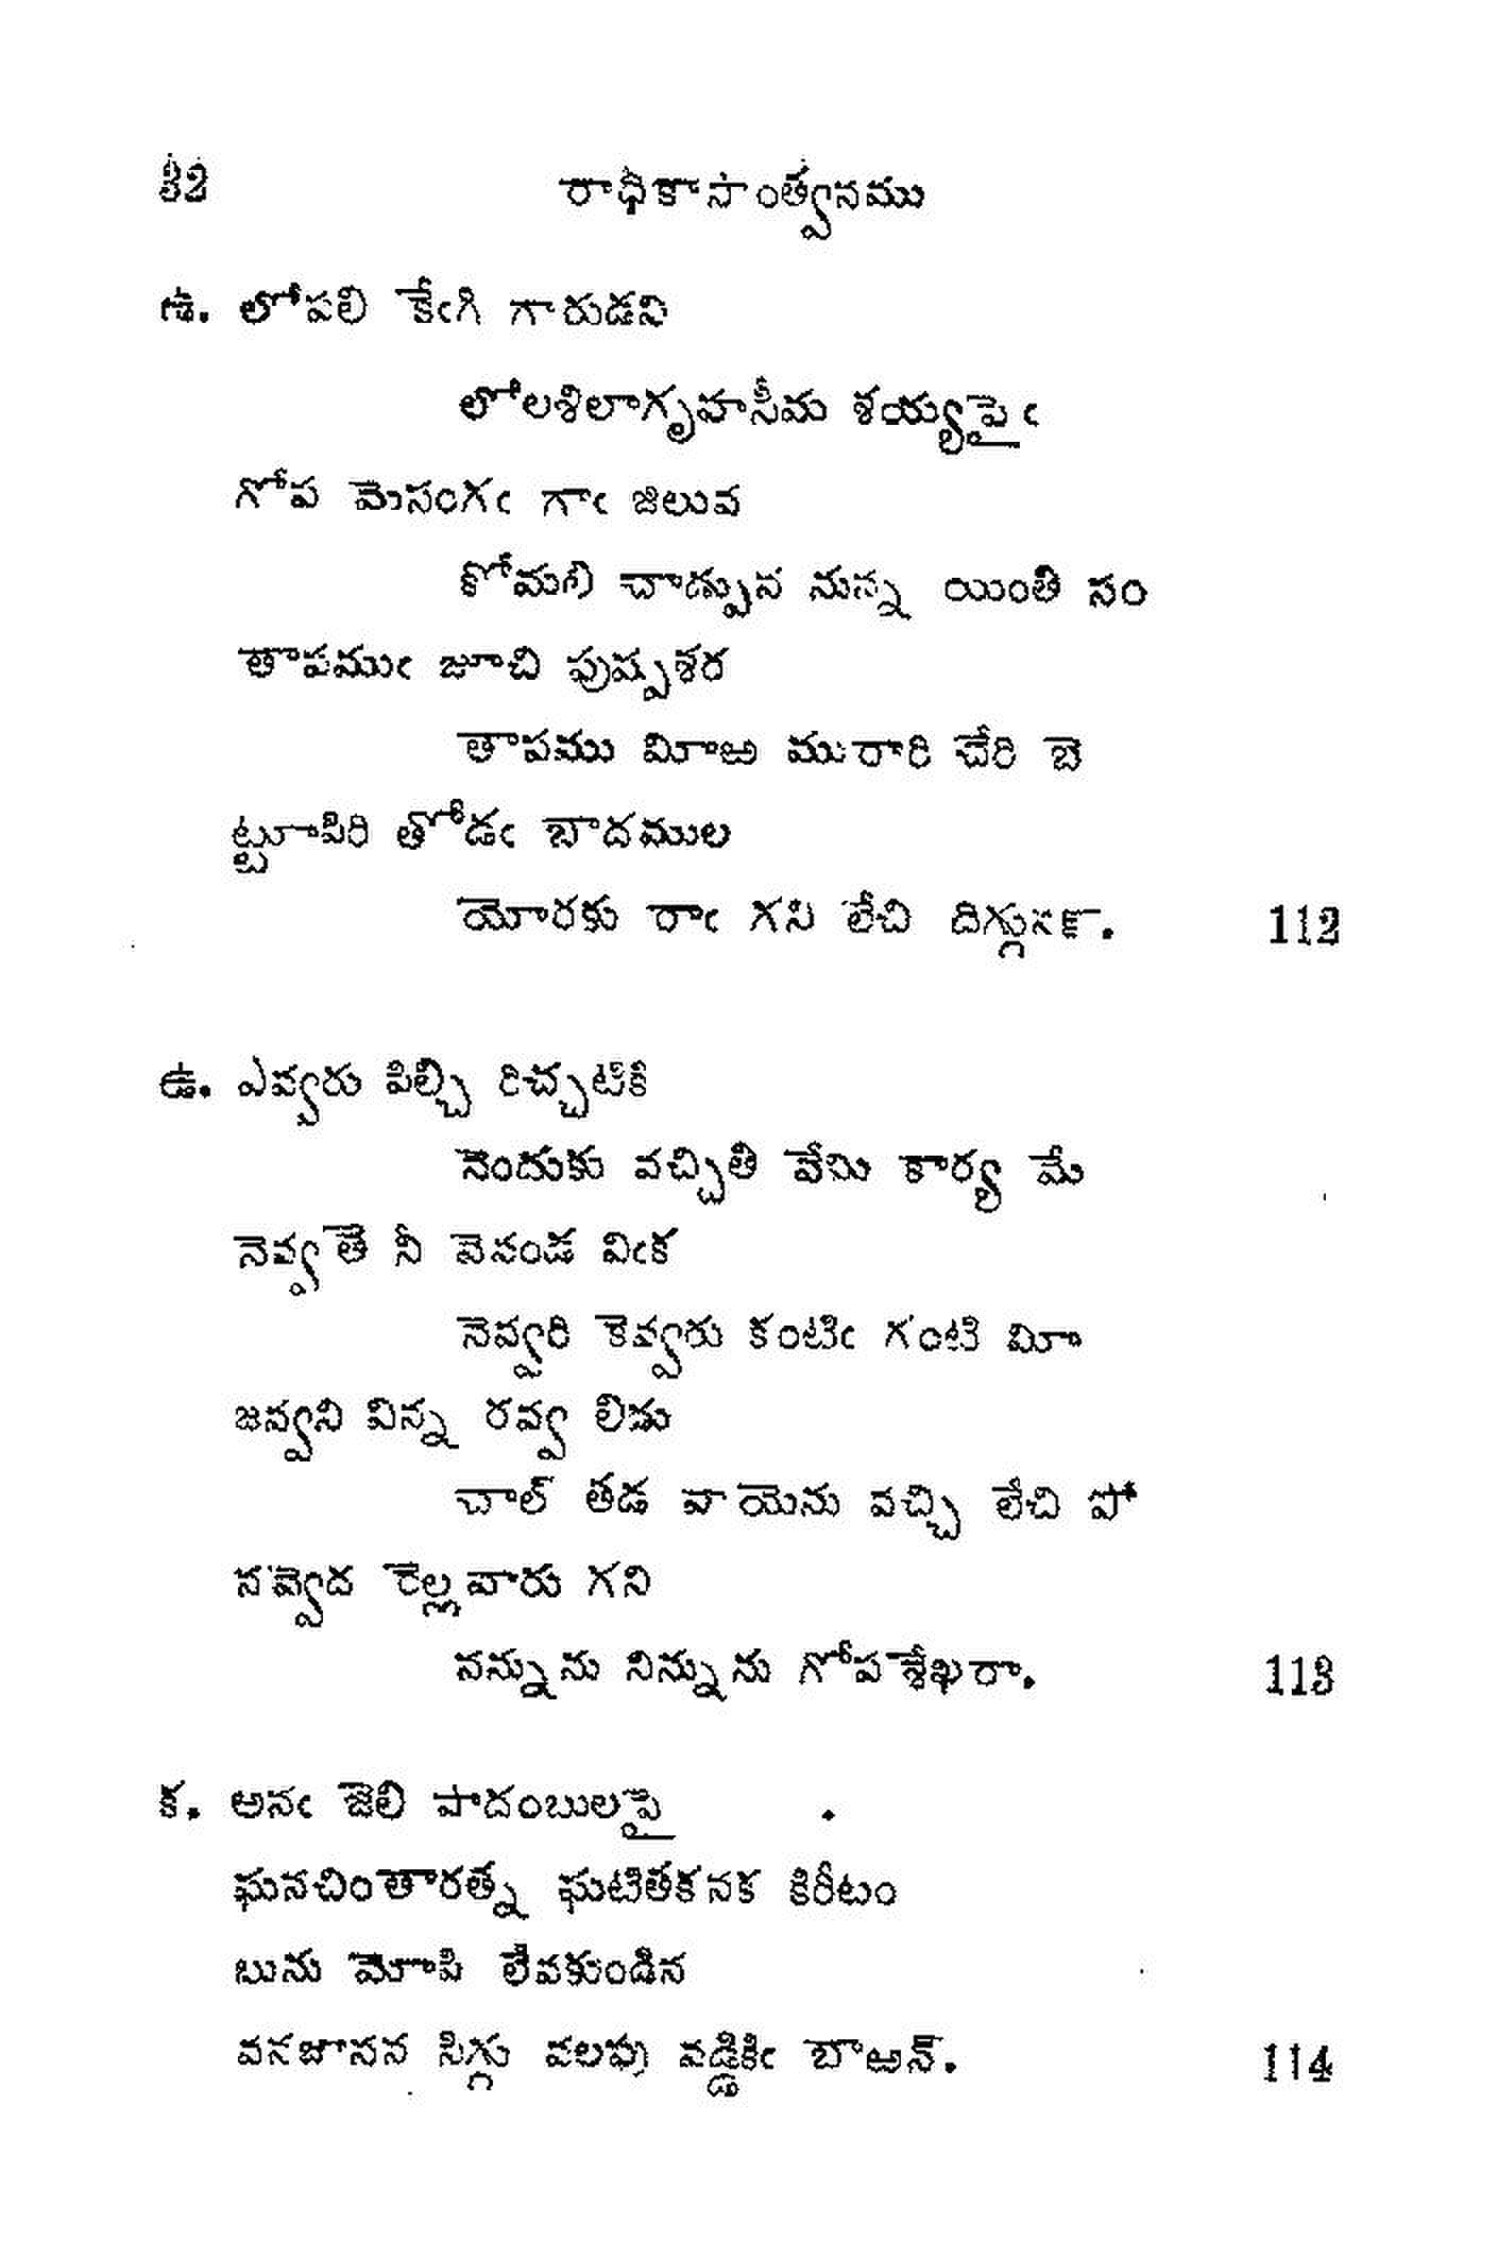ఉ. లోపలి కేఁగి గారుడవిలోలశిలాగృహసీమ శయ్యపై
గోప మెసంగఁగాఁ జిలువకోమలి చాడ్పున నున్న యింతి సం
తాపముఁ జూచి పుష్పశరతాపము మీఱ మురారి చేరి బె
ట్టూపిరితోడఁ బాదముల యోరకు రాఁ గని లేచి దిగ్గునన్. 112

ఉ. ఎవ్వరు పిల్చి రిచ్చటికి నెందుకు వచ్చితి వేమి కార్య మే
నెవ్వతె నీ వెవండ విక నెవ్వరి కెవ్వరు కంటిఁ గంటి మీ
జవ్వని విన్న రవ్వ లిడు చాల్ తడవాయెను వచ్చి లేచి పో
నవ్వెద రెల్లవారు గని నన్నును నిన్నును గోపశేఖరా. 113

క. అనఁ జెలి పాదంబులపై
ఘనచింతారత్నఘటితకనకకిరీటం
బును మోపి లేవకుండిన
వనజానన సిగ్గు వలపు వడ్డికిఁ బాఱన్. 114